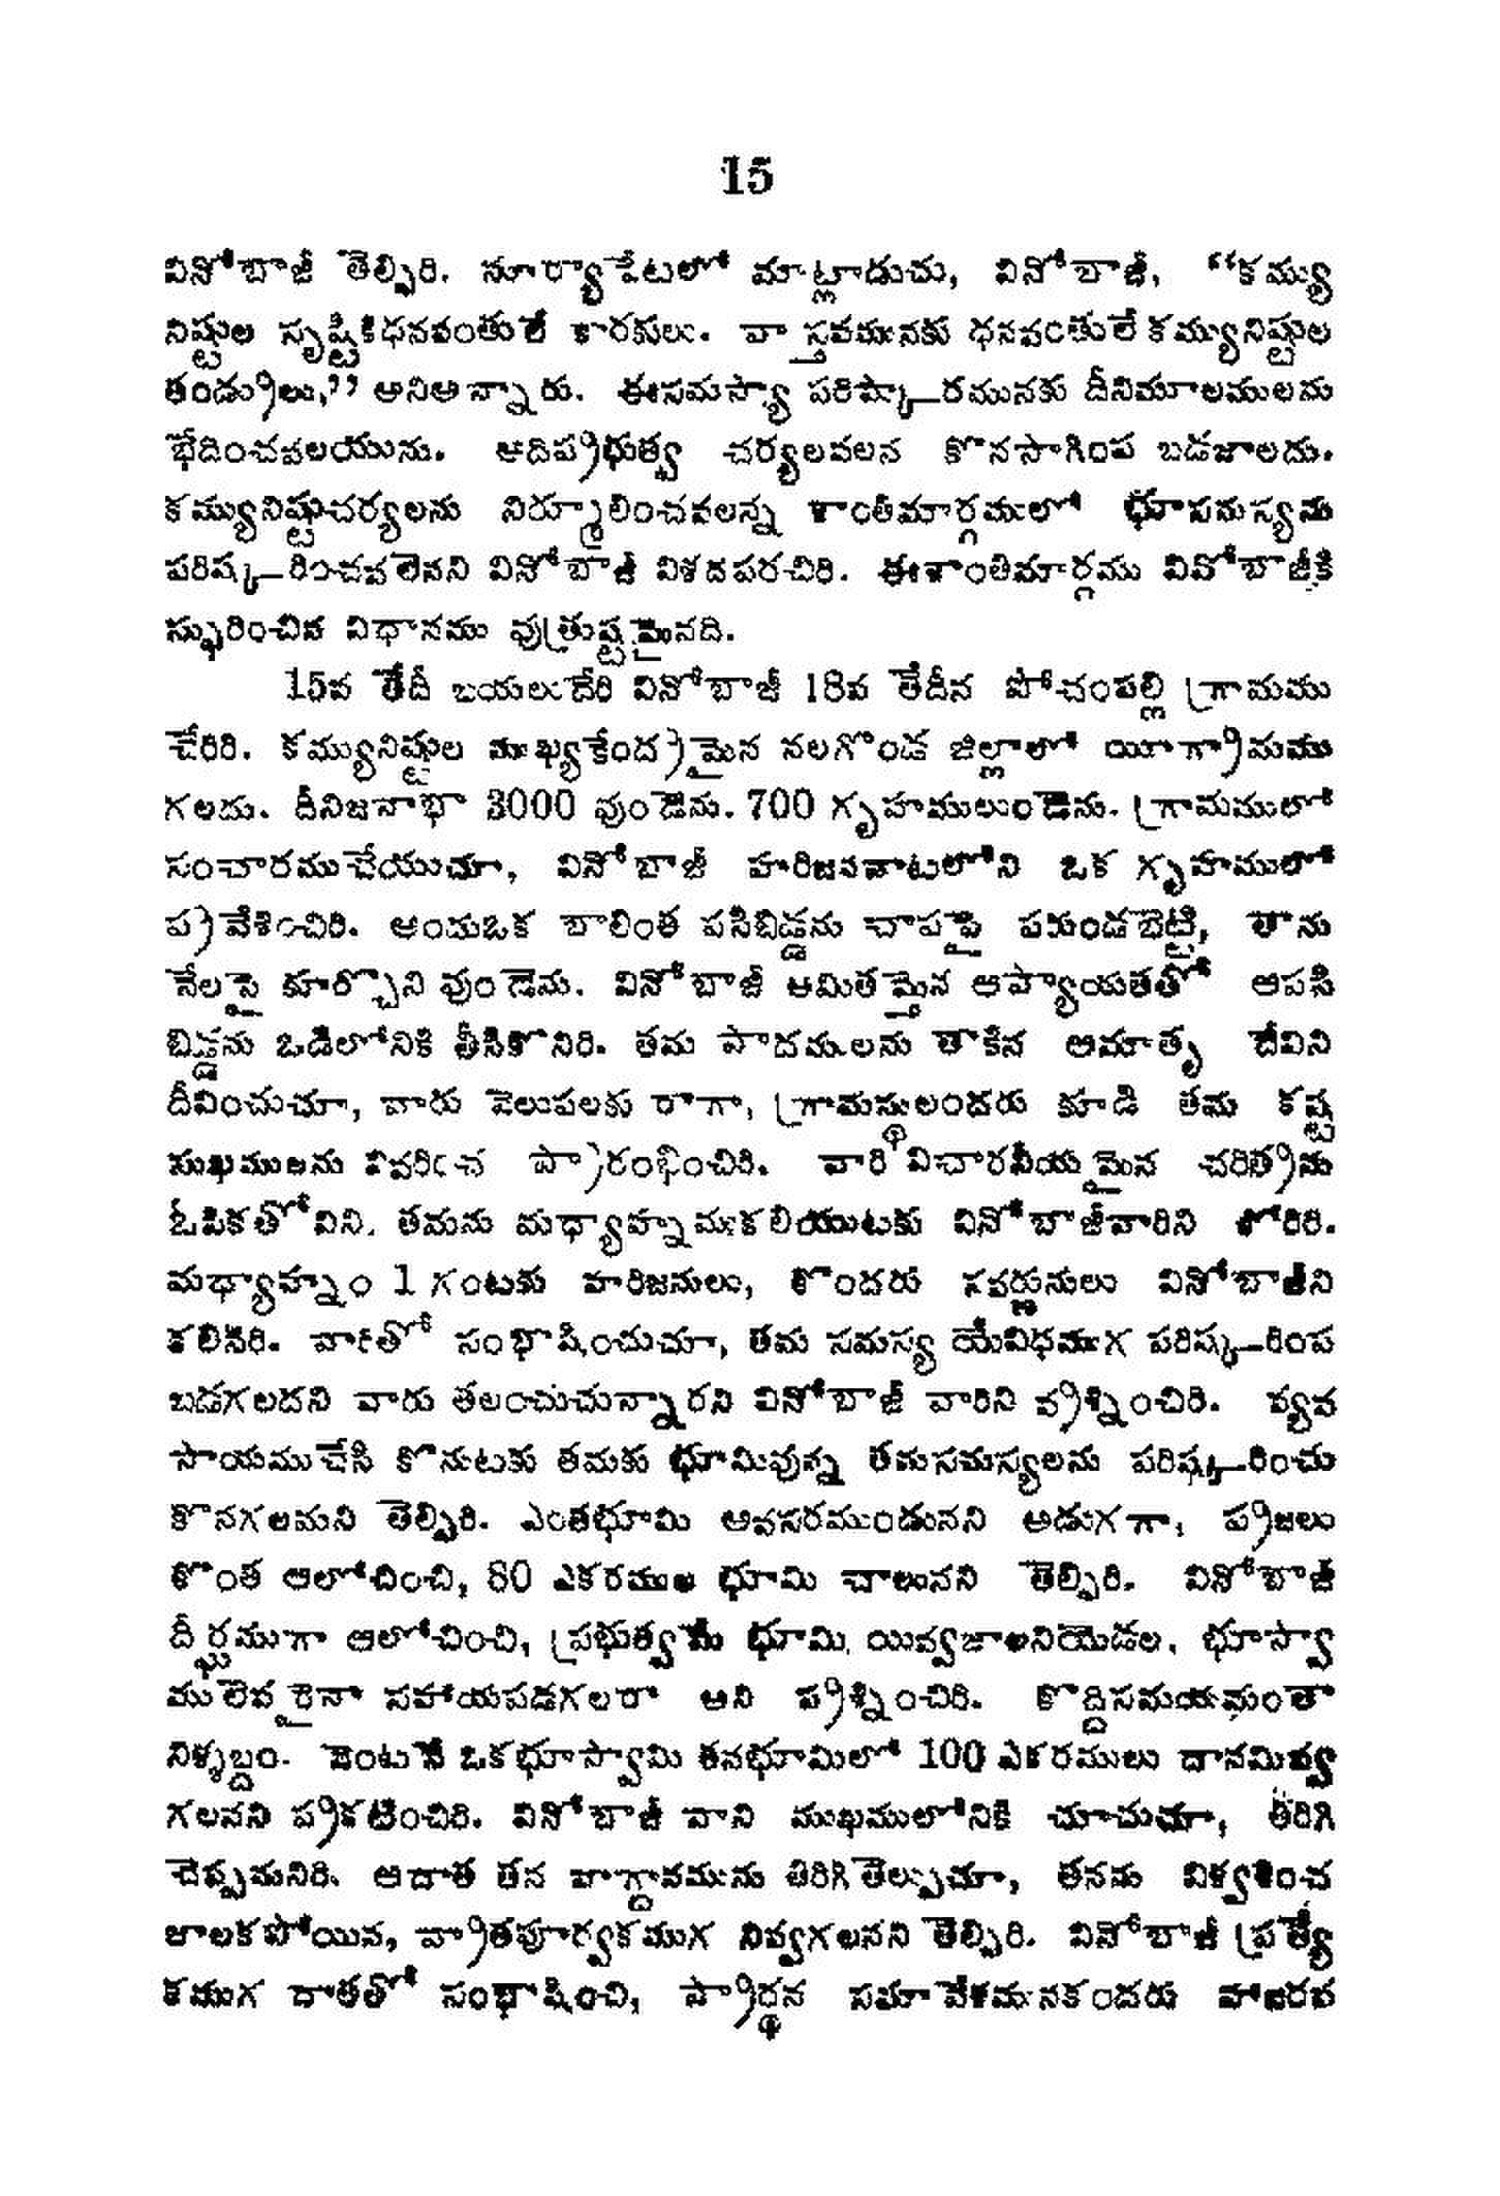వినోబాజీ తెల్ఫిరి. సూర్యాపేటలో మాట్లాడుచు, వినోబాజీ, "కమ్యునిష్టుల సృష్టికి ధనవంతులే కారకులు. వాస్తవమునకు ధనవంతులే కమ్యునిష్టుల తండ్రులు," అనిఅన్నారు. ఈసమస్యా పరిష్కారమునకు దీనిమూలములను భేదించవలయును. ఆదిప్రభుత్వ చర్యలవలన కొనసాగింప బడజాలదు. కమ్యునిష్టుచర్యలను నిర్మూలించవలన్న శాంతిమార్గములో భూసమస్యను పరిష్కరించవలెనని వినోబాజీ విశదపరచిరి. ఈశాంతిమార్గము వినోబాజీకి స్ఫురించిన విధానము వుత్రుష్టమైనది.

15వ తేదీ బయలుదేరి వినోబాజీ 18వ తేదీన పోచంపల్లి గ్రామము చేరిరి. కమ్యునిష్ఠుల ముఖ్యకేంద్రమైన నలగొండ జిల్లాలో యీగ్రామము గలదు. దీనిజనాభా 3000 వుండెను. 700 గృహములుండెను. గ్రామములో సంచారముచేయుచూ, వినోబాజీ హరిజననాటలోని ఒక గృహములో ప్రవేశించిరి. అందుఒక బాలింత పసిబిడ్డను చాపపై పరుండబెట్టి, తాను నేలపై కూర్చొని వుండెను. వినోబాజీ ఆమితమైన ఆప్యాయతతో ఆపసి బిడ్డను ఒడిలోనికి తీసికొనిరి. తమ పాదములను తాకిన అమాతృ దేవిని దీవించుచూ, వారు వెలుపలకు రాగా, గ్రామస్థులందరు కూడి తమ కష్టసుఖములను వివరించ ప్రారంభించిరి. వారి విచారనీయమైన చరిత్రను ఓపికతో విని. తమను మధ్యాహ్నముకలియుటకు వినోబాజీవారిని కోరిరి. మధ్యాహ్నం 1 గంటకు హరిజనులు, కొందరు సవర్ణునులు వినోబాజీని కలిసరి. వారితో సంభాషించుచూ, తమ సమస్య యేవిధముగ పరిష్కరింప బడగలదని వారు తలంచుచున్నారని వినోబాజీ వారిని ప్రశ్నించిరి. వ్యవసాయముచేసి కొనుటకు తమకు భూమివున్న తమసమస్యలను పరిష్కరించు కొనగలమని తెల్ఫిరి. ఎంతభూమి అవసరముండునని అడుగగా, ప్రజలు కొంత ఆలోచించి, 80 ఎకరముల భూమి చాలునని తెల్ఫిరి. వినోబాజీ దీర్ఘముగా ఆలోచించి, ప్రభుత్వమే భూమి, యివ్వజాలనియెడల, భూస్వాములెవరైనా సహాయపడగలరా అని ప్రశ్నించిరి. కొద్దిసమయమంతా నిళ్ళబ్దం. వెంటనే ఒకభూస్వామి తనభూమిలో 100 ఎకరములు దానమివ్వ గలనని ప్రకటించిరి. వినోబాజీ వాని ముఖములోనికి చూచుచూ, తిరిగి చెప్పమనిరి. ఆదాత తన వాగ్దానమును తిరిగితెల్పుచూ, తనను విశ్వశించ జాలకపోయిన, వ్రాతపూర్వకముగ నివ్వగలనని తెల్పిరి. వినోబాజీ ప్రత్యేకముగ దాతతో సంభాషించి, ప్రార్థన సమావేశమునకందరు హాజరవ